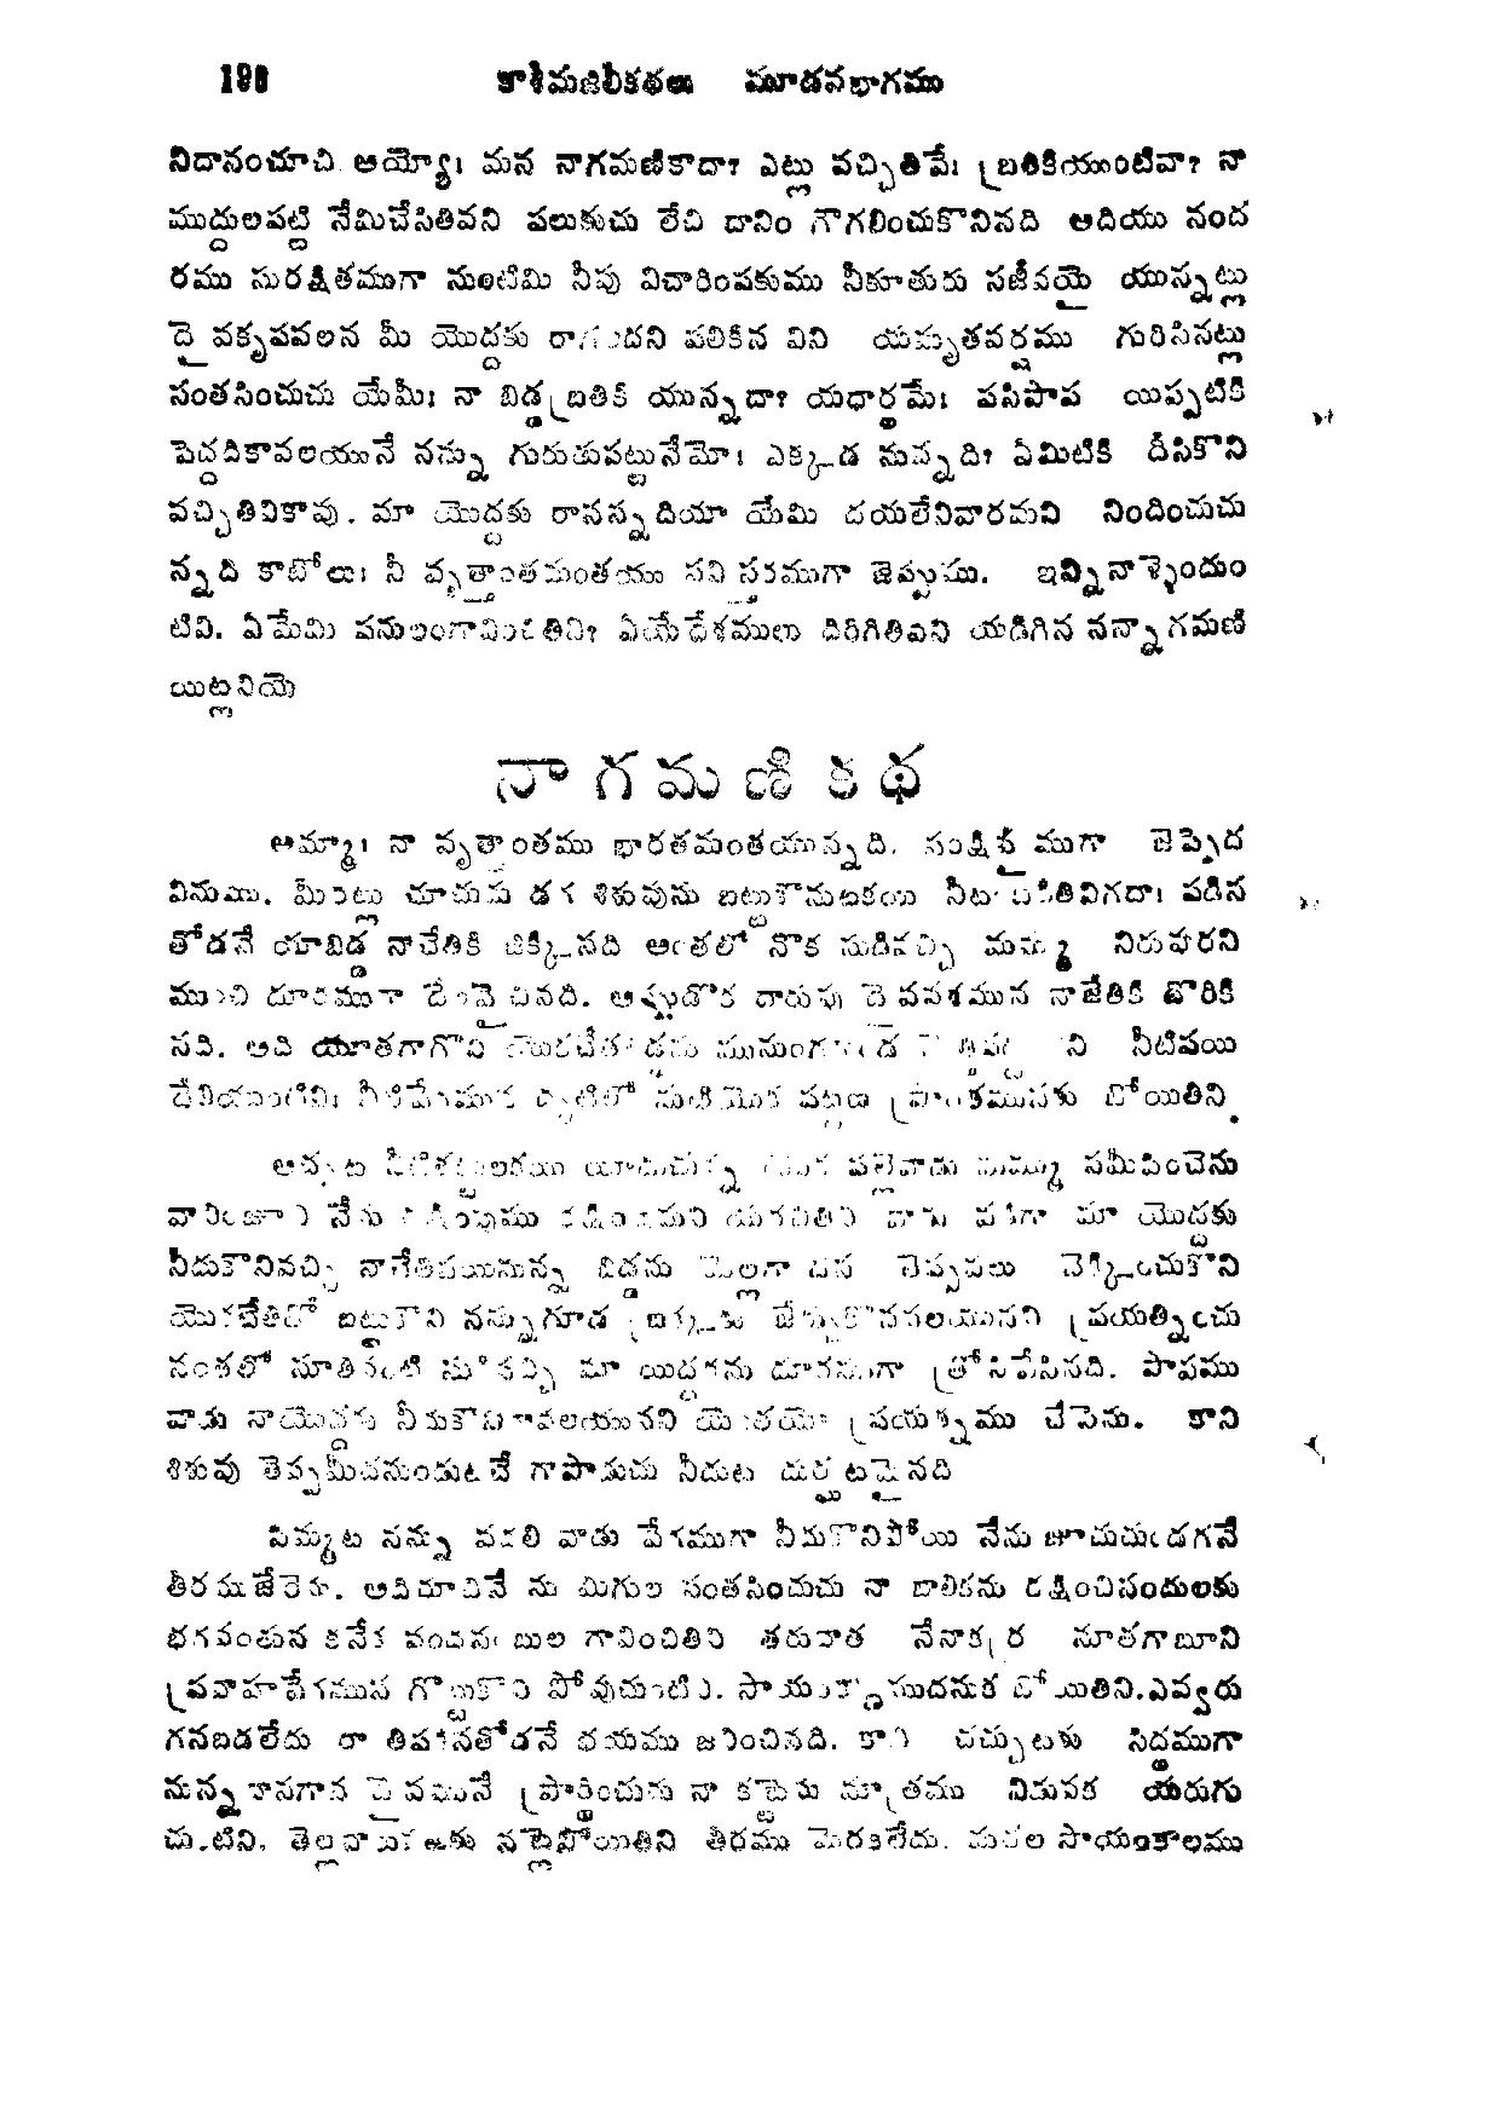నిదానంచూచి అయ్యో! మన నాగమణికాదా? ఎట్లు వచ్చితివే! బ్రతికియుంటివా? నా ముద్దులపట్టి నేమిచేసితివని పలుకుచు లేచి దానిం గౌగలించుకొనినది అదియు నందరము సురక్షితముగా నుంటిమి నీవు విచారింపకుము నీకూతురు సజీవయై యున్నట్లు దైవకృపవలన మీ యొద్దకు రాగలదని పలికిన విని యమృతవర్షము గురిసినట్లు సంతసించుచు యేమీ? నా బిడ్డబ్రతికి యున్నదా? యథార్థమే! పసిపాప యిప్పటికి పెద్దదికావలయునే నన్ను గురుతుపట్టునేమో? ఎక్కడ నున్నది? ఏమిటికి దీసికొని వచ్చితివికావు . మా యొద్దకు రానన్నదియా యేమి దయలేనివారమని నిందించుచున్నది కాబోలు? నీ వృత్తాంతమంతయు సవిస్తరముగా జెప్పుము. ఇన్నినా ళ్ళెందుంటివి. ఏమేమి పనులంగావించితివి? ఏయేదేశములు దిరిగితివని యడిగిన నన్నాగమణి యిట్లనియె.

నాగమణి కథ

అమ్మా! నా వృత్తాంతము భారతమంతయున్నది. సంక్షిప్తముగా జెప్పెద వినుము. మీరట్లు చూచుచుండగ శిశువును బట్టుకొనుటకయి నీటంబడితినిగదా! పడిన తోడనే యాబిడ్డ నాచేతికి జిక్కినది అంతలో నొక సుడివచ్చి మమ్ము నిరువురని ముంచి దూరముగా దేలవైచినది. అప్పుడొక దారువు దైవవశమున నాజేతికి దొరికినది. అది యూతగాగొని యొకచేతబిడ్డను మునుంగకుండ నెత్తిపట్టుకొని నీటిపయి దేలియుంటిమి. నీటివేగమున దృటిలో మఱియొకపట్టణప్రాంతమునకు బోయితిని.

అచ్చట నీటితట్టులకయి యాడుచున్న యొక పల్లెవాడు మమ్ము సమీపించెను. వానింజూచి నేను రక్షింపుము రక్షింపుమని యరచితిని వాడు వడిగా మా యొద్దకు నీదుకొనివచ్చి నాచేతిపయినున్న బిడ్డను మెల్లగా దన తెప్పవలు నెక్కించుకొని యొకచేతితో బట్టుకొని నన్నుగూడ బ్రక్కకు జేర్చుకొనవలయునని ప్రయత్నించు నంతలో నూతివంటి సుడి వచ్చి మా యిద్దరను దూరముగా త్రోసివేసినది. పాపము వాడు నాయొద్దకు నీదుకొనిరావలయునని యెంతయో ప్రయత్నము చేసెను కాని శిశువు తెప్పమీదనుండుటచే గాపాడుచు నీదుట దుర్ఘటమైనది.

పిమ్మట నన్ను వదలి వాడు వేగముగా నీదుకొనిపోయి నేను జూచుచుండగనే తీరముజేరెను. అదిచూచినేను మిగుల సంతసించుచు నా బాలికను రక్షించినందులకు భగవంతున కనేకవందనంబుల గావించితిని తరువాత నేనాకర్ర నూతగాబూని ప్రవాహవేగమున గొట్టుకొని పోవుచుంటిని. సాయంకాలముదనుక బోయితిని.ఎవ్వరు గనబడలేదు రాత్రిపడినతోడనే భయము జనించినది. కాని చచ్చుటకు సిద్దముగా నున్న దానగాన దైవమునే ప్రార్థించుచు నా కట్టెను మాత్రము విడువక యరుగు చుంటిని. తెల్లవారువఱకు నట్లెపోయితిని తీరము మెరకలేదు. మరల సాయంకాలము